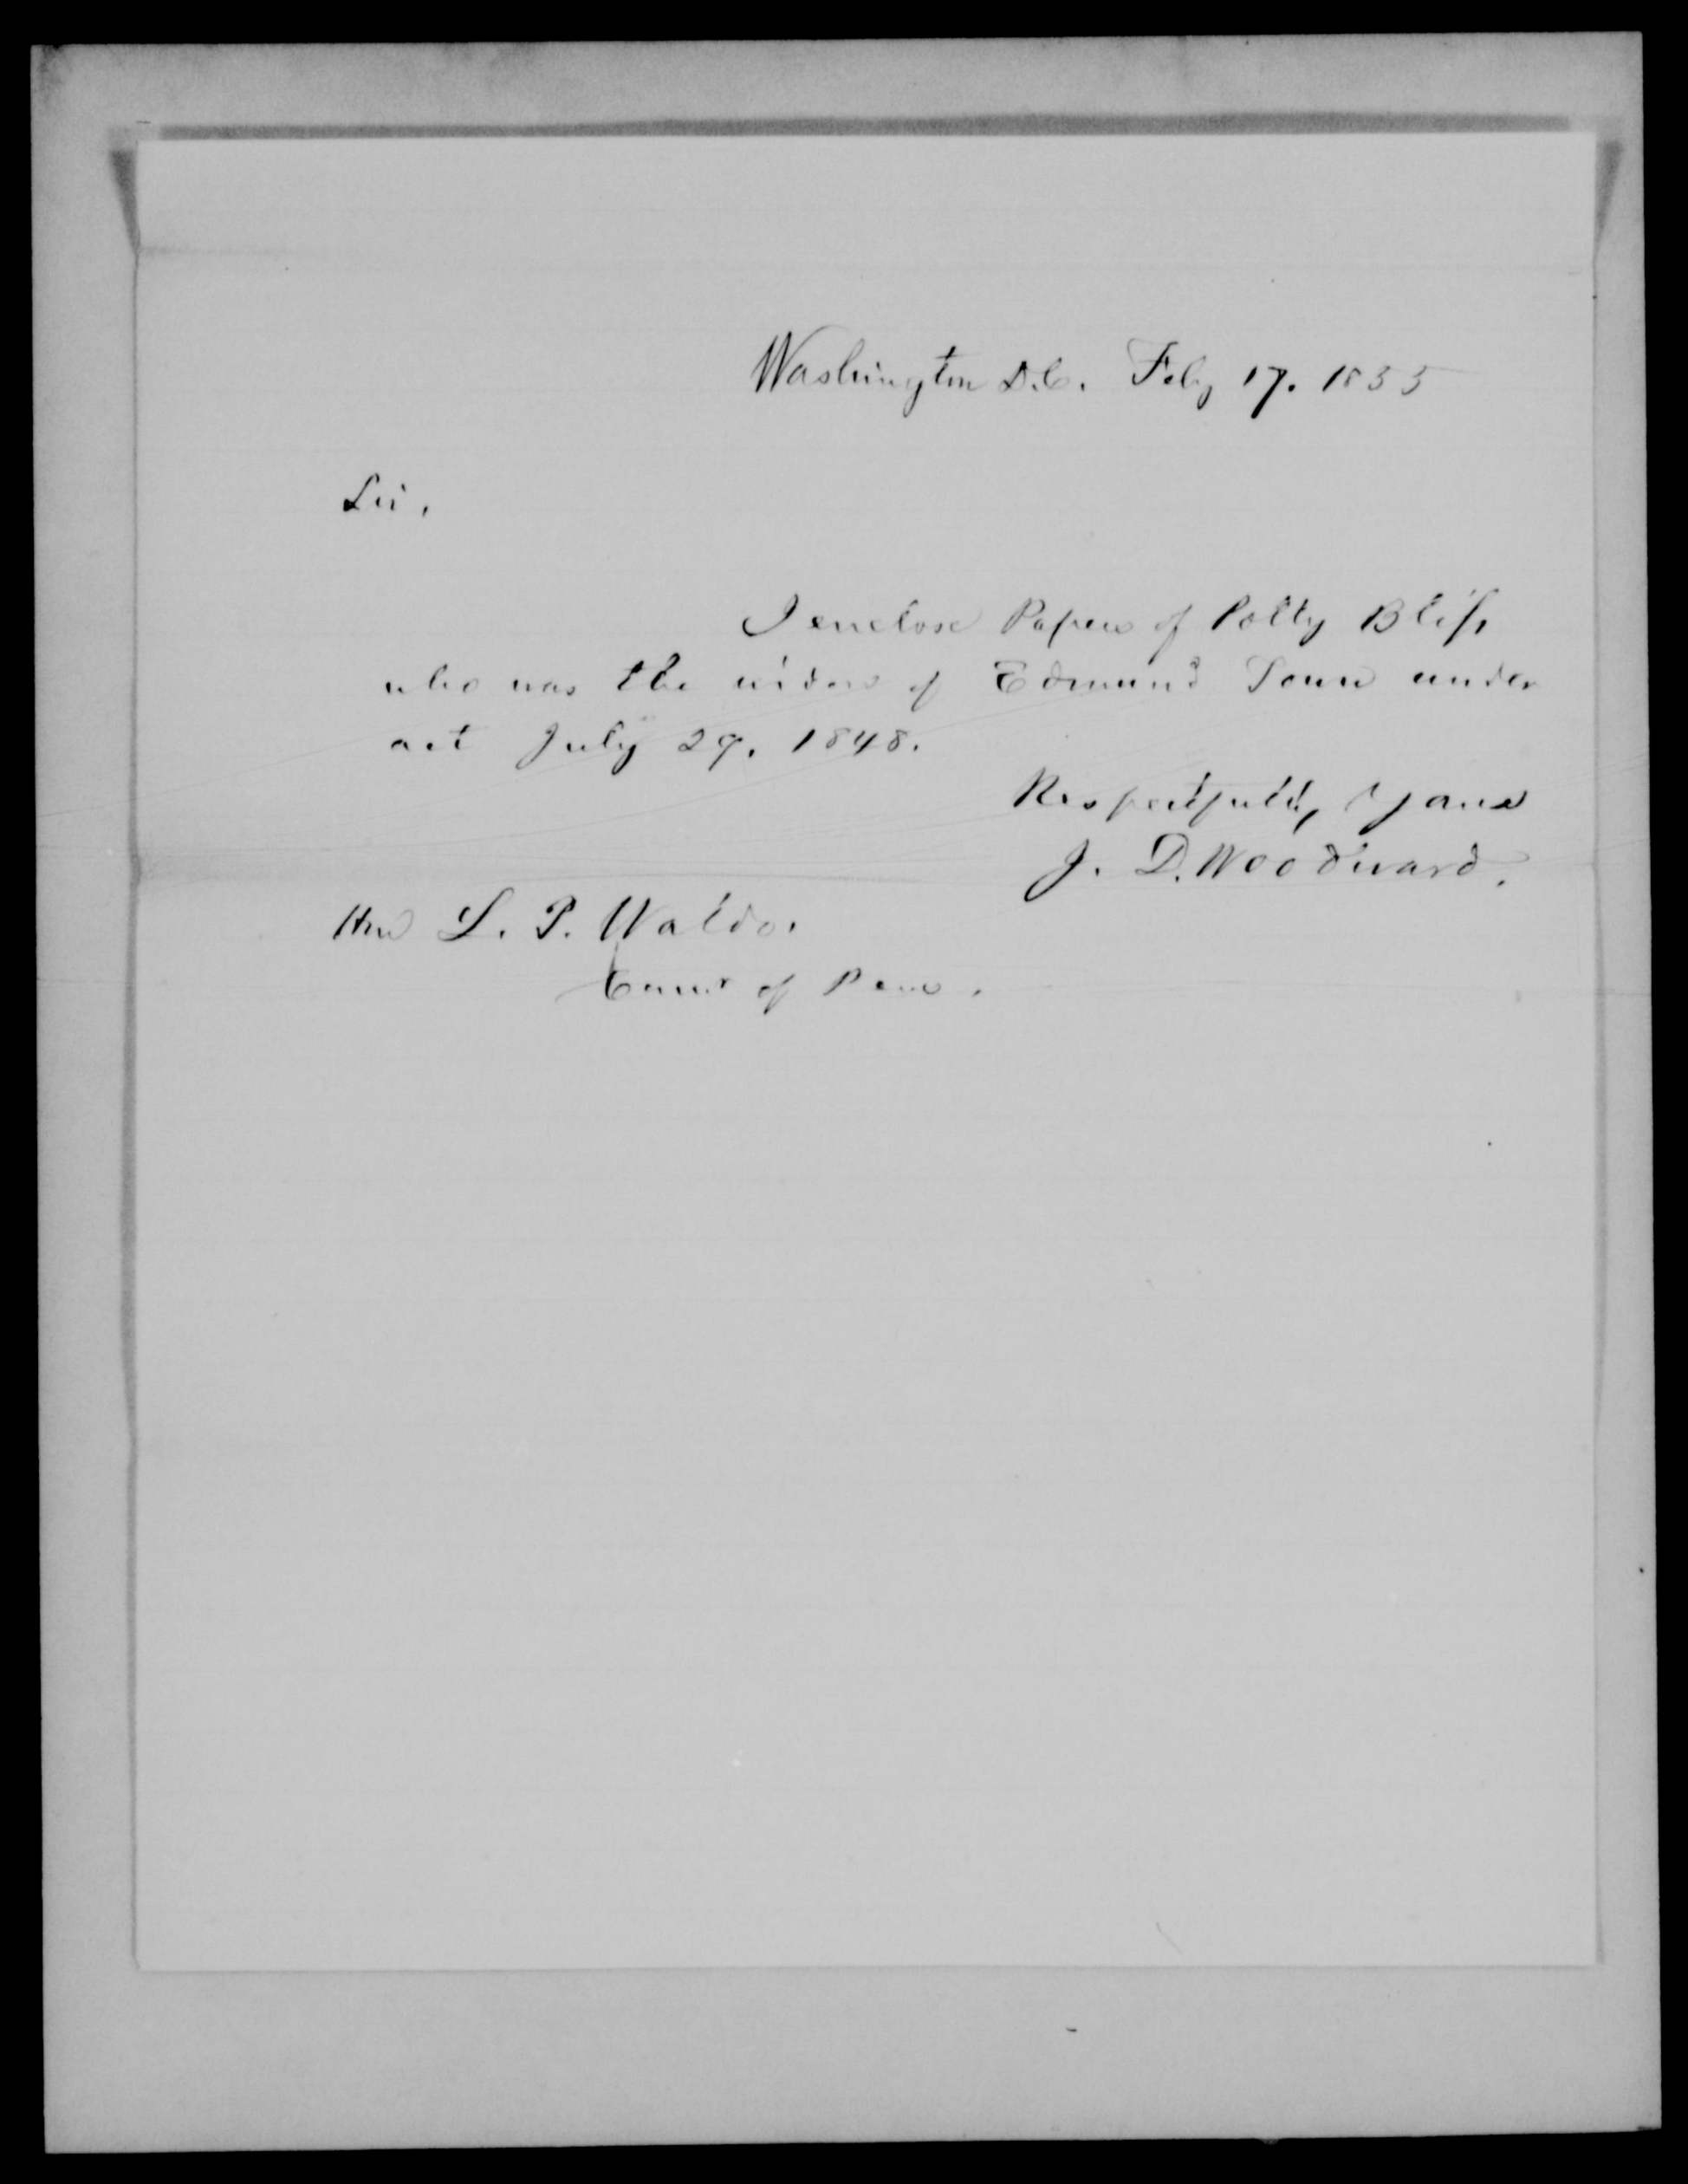Washington d. C. Feby 17, 1855

Sir,
I enclose papers of Polly Bliss who was the widow of Edmund Town under act July 29, 1848.
Respectfully yours
J. D. Woodward

Hon. L. P. Waldo
Comm. of Pens.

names: Edmund Town, J D Woodward, L P Waldo, Polly Bliss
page: 35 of 64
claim: widow's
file: W. 5831, Edmund Town, Mass.